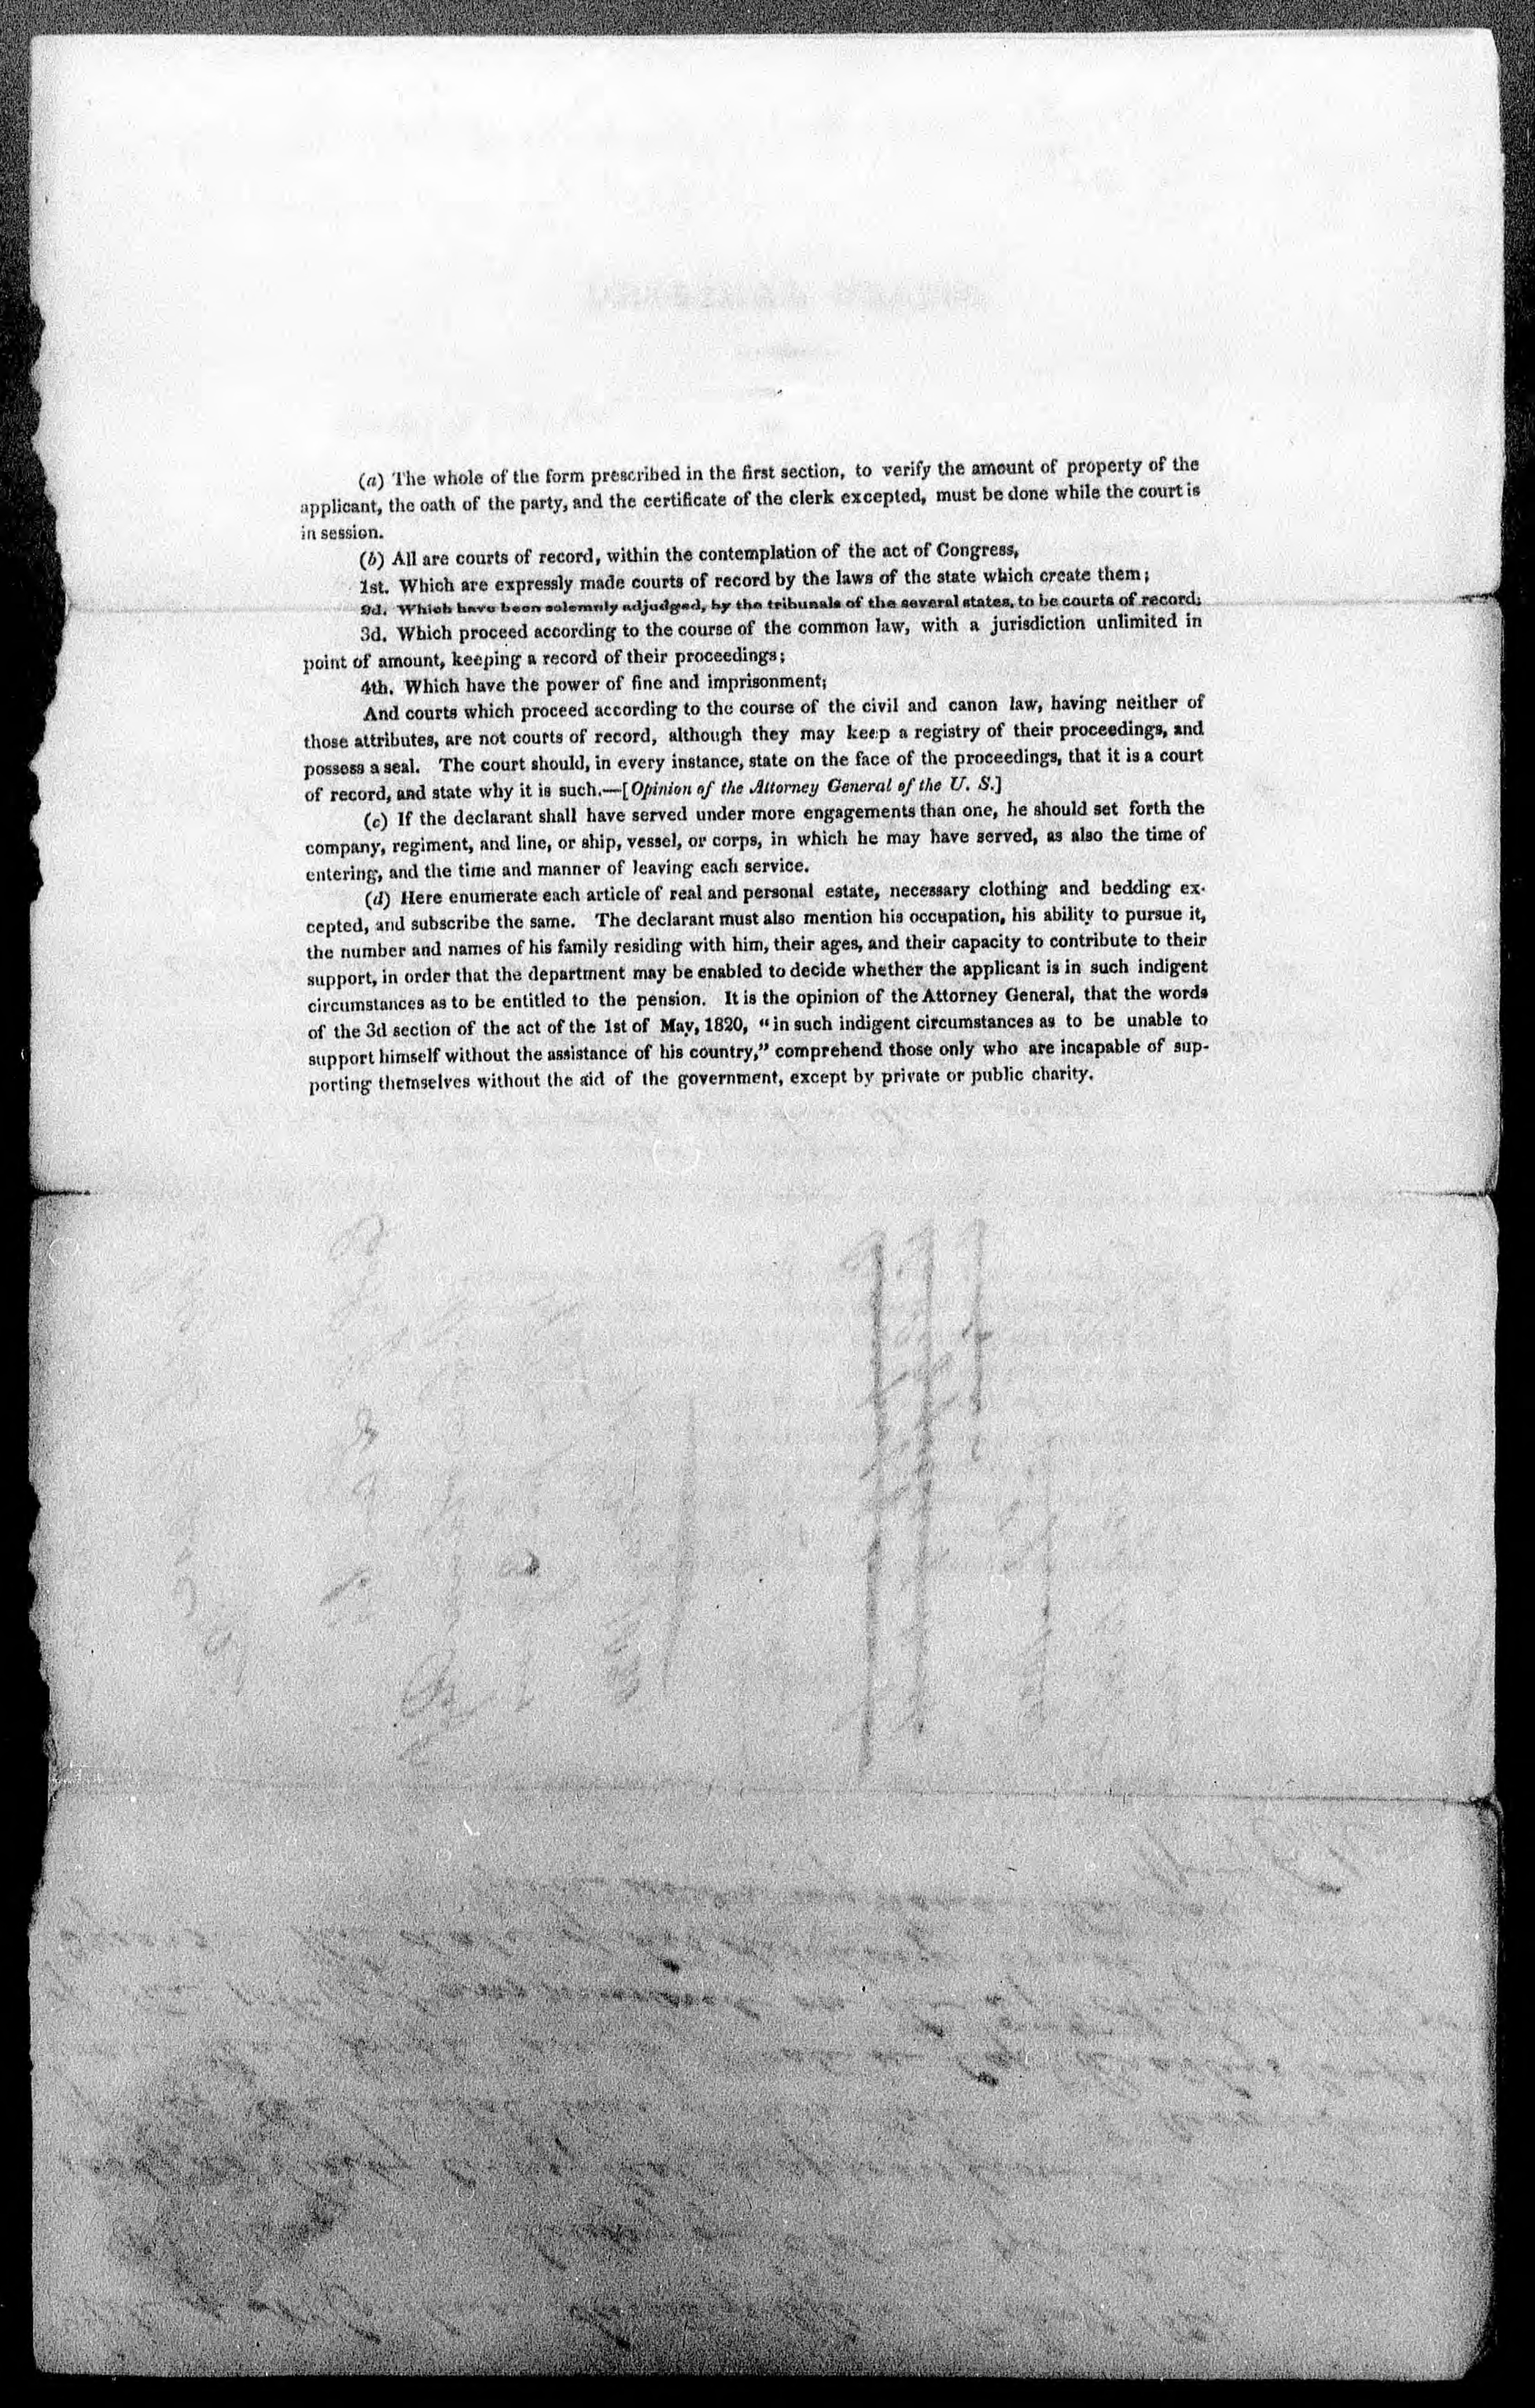(a) The whole of the form prescribed in the first section, to verify the amount of property of the applicant, the oath of the party, and the certificate of the clerk excepted, must be done while the court is in session.
(b) All are courts of record, within the contemplation of  the act of Congress,
1st. Which are expressly made courts of record by the laws of the state which create them;
2d. Which have been solemnly adjudged by the tribunals of the several states to be courts of record;
3d. Which proceed according to the course of the common law, with a jurisdiction unlimited in point of amount, keeping a record of their proceedings;
4th. Which have the power of fine and imprisonment;
And courts which proceed according to the course of the civil and canon law, having neither of those attributes, not courts of record, although they may keep a registry of their proceedings, and possess a seal.  The court should, in every instance, state on the face of the proceedings, that it is a court of record, and state why it is such --(Opinion of the Attorney General of the U.S.)
(c) If the declarant shall have served under the more engagements than one, he should set forth the company, regiment and line, or ship, vessel, or corps, in which he may have served, as also at the time of entering, and the time and manner of leaving each service;
(d) Here enumerate each article of real and personal estate, necessary clothing and bedding excepted, and subscribe the same.  The declarant must also mention his occupation, his ability to pursue it, the number and names of his family residing with him, their ages, and their capacity to contribute to their support, in order that the department may be enabled to decide whether the applicant is in such indigent circumstances as to be entitled to the pension.  It is the opinion of the Attorney Genera, that the words of the 3d section of the act of the 1st of May, 1820, "in such indigent circumstances as to be unable to support himself without the assistance of his country," comprehended those only who are incapable of supporting themselves with the aid of the government, except by private or public charity.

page: 19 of 20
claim: survivor's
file: S. 41472, Joseph Case, N.C.